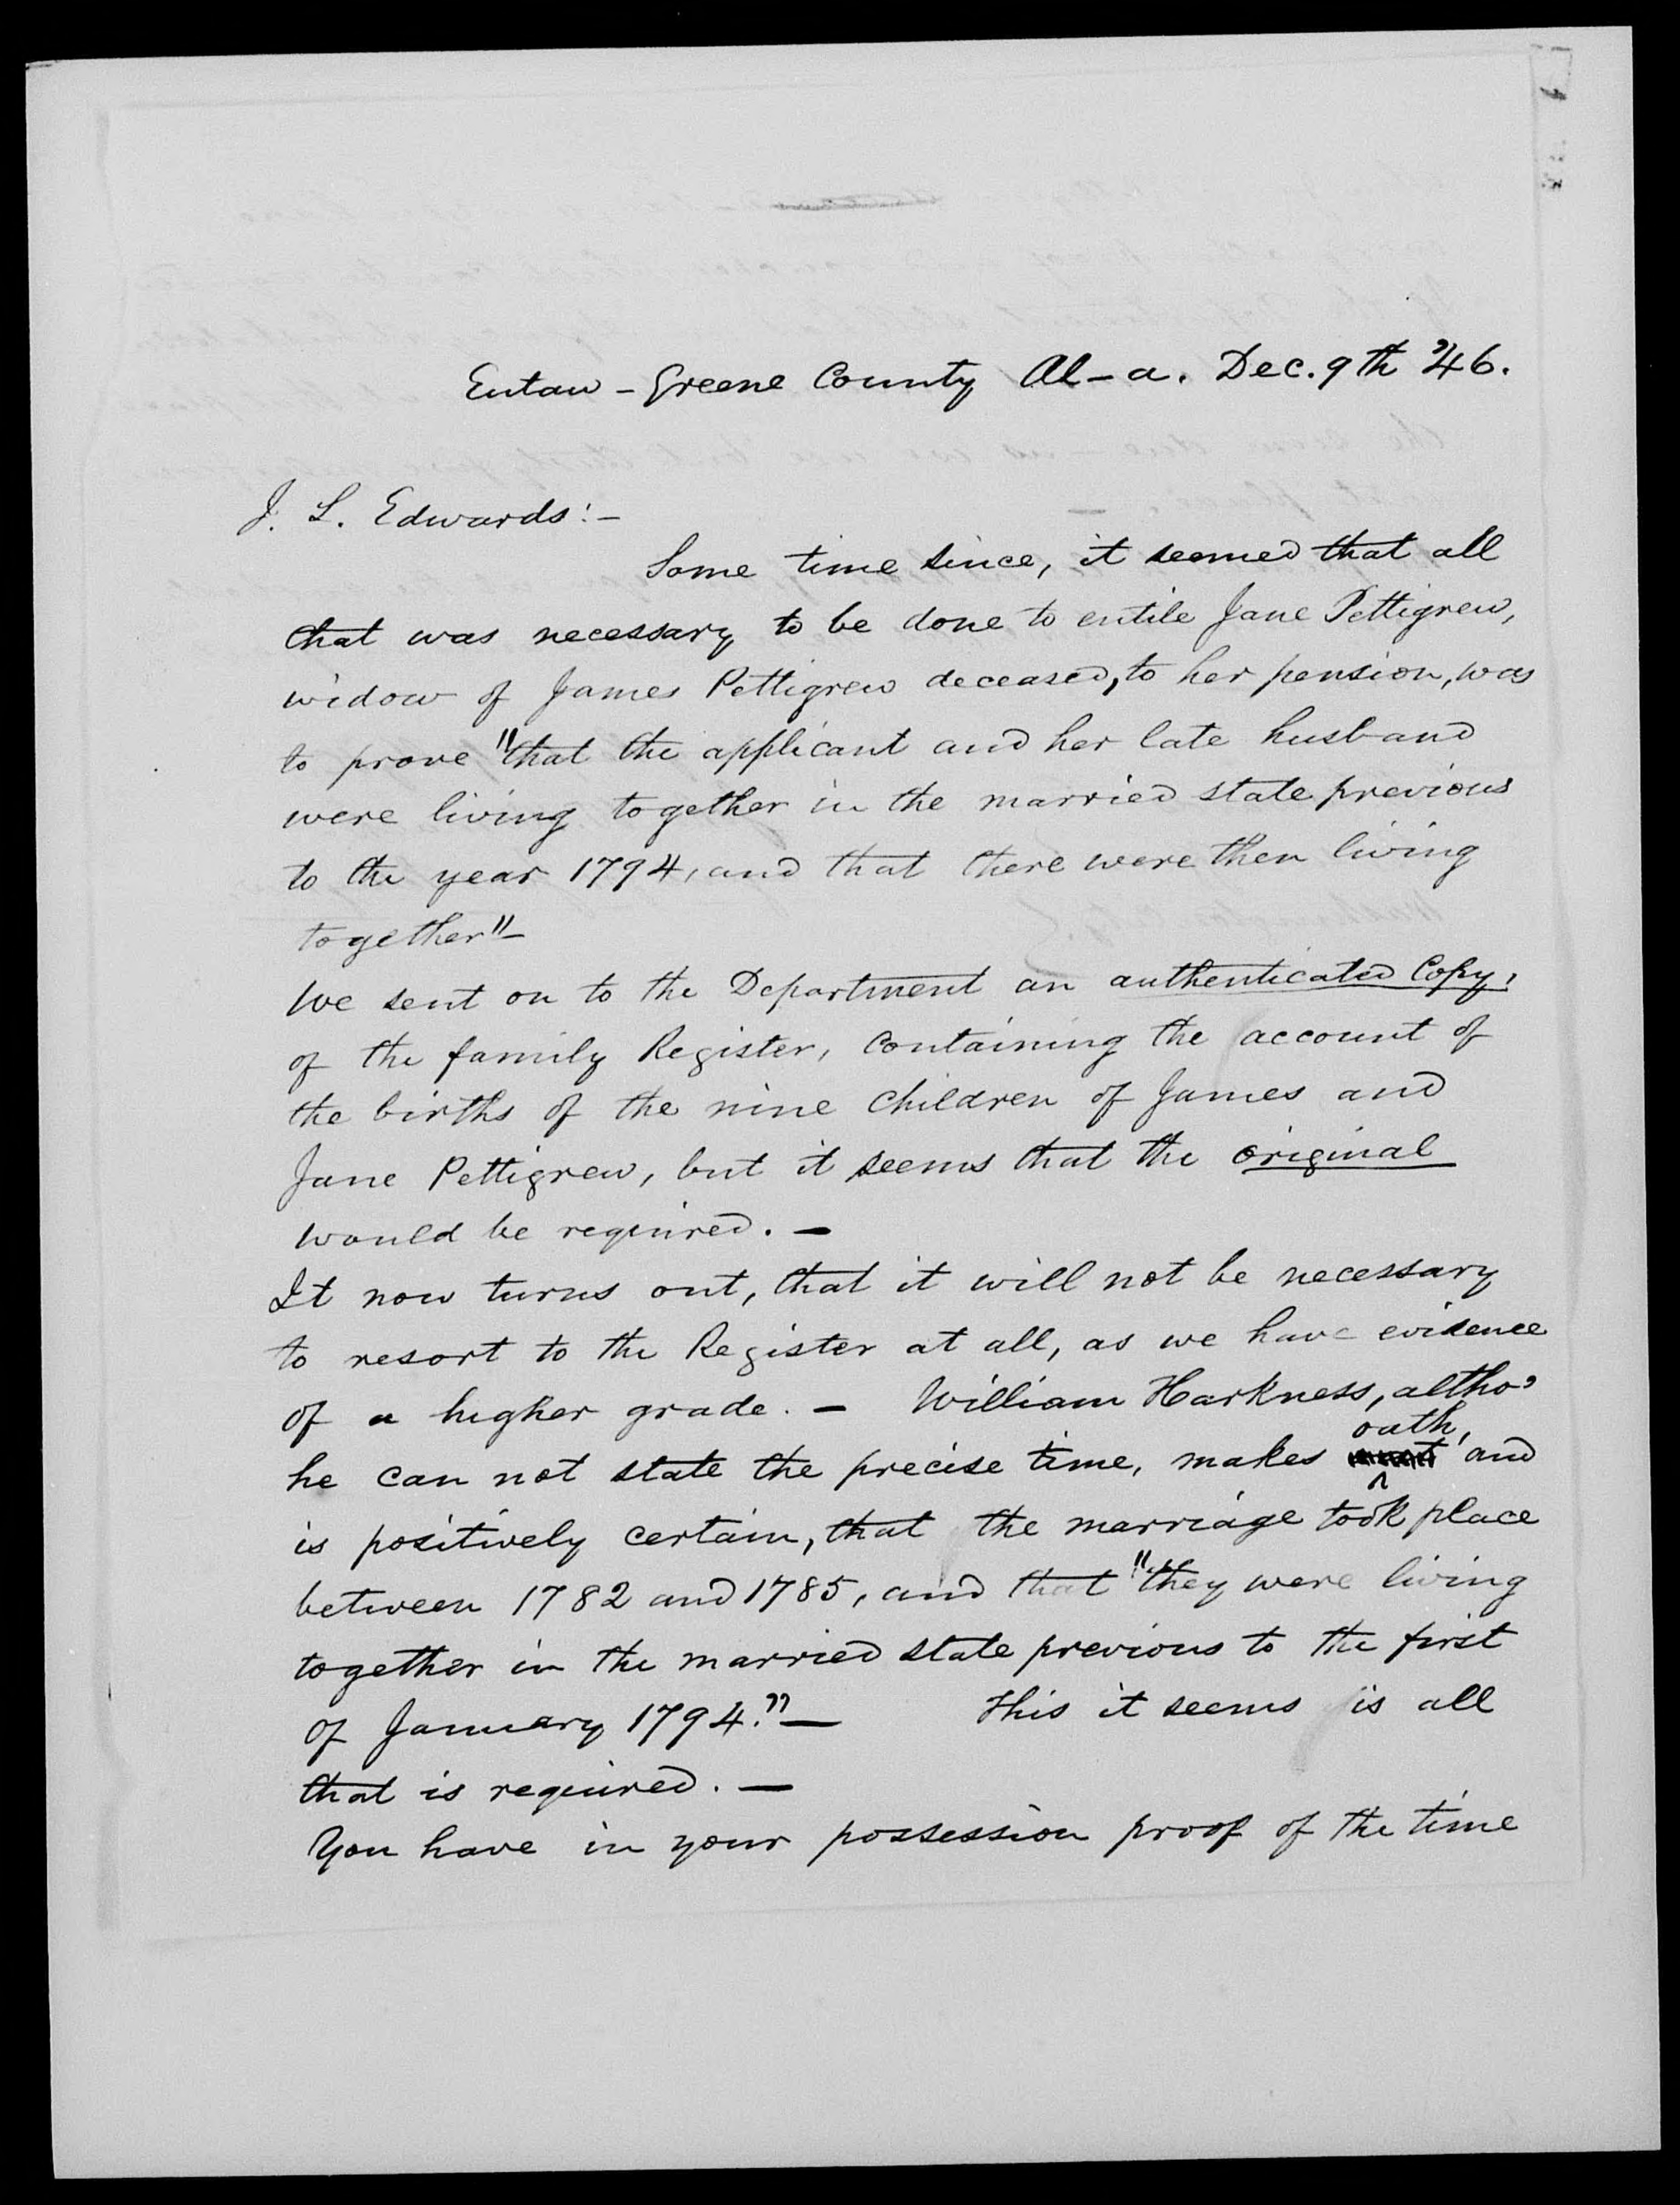Eutaw - Greene County Al-a, Dec. 9th '46.

J. L. Edwards: - 
Some time since, it seemed that all that was necessary to be done to entile Jane Pettigrew, widow of James Pettigrew deceased, to her pension, was to prove "that the applicant and her late husband were living together in the married state previous to the year 1794, and that there were then living together" -
We sent on to the Department an authenticated copy, of the family register, containing the account of the births of the nine children of James and Jane Pettigrew, but it seems that the original would be required. -
It now turns out, that it will not be necessary to resort to the register at all, as we have evidence of a higher grade. - William Harkness, altho' he can not state the precise time, makes [illegible]^oath, and is positively certain, that the marriage took place between 1782 and 1785, and that "they were living together in the married state previous to the first of January 1794.." - This it seems is all that is required. -
You have in your possession proof of the time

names: Jane Pettigrew; J L Edwards; James Pettigrew; William Harkness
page: 52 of 92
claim: widow's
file: W. 5522, for James Pettigrew, South Carolina